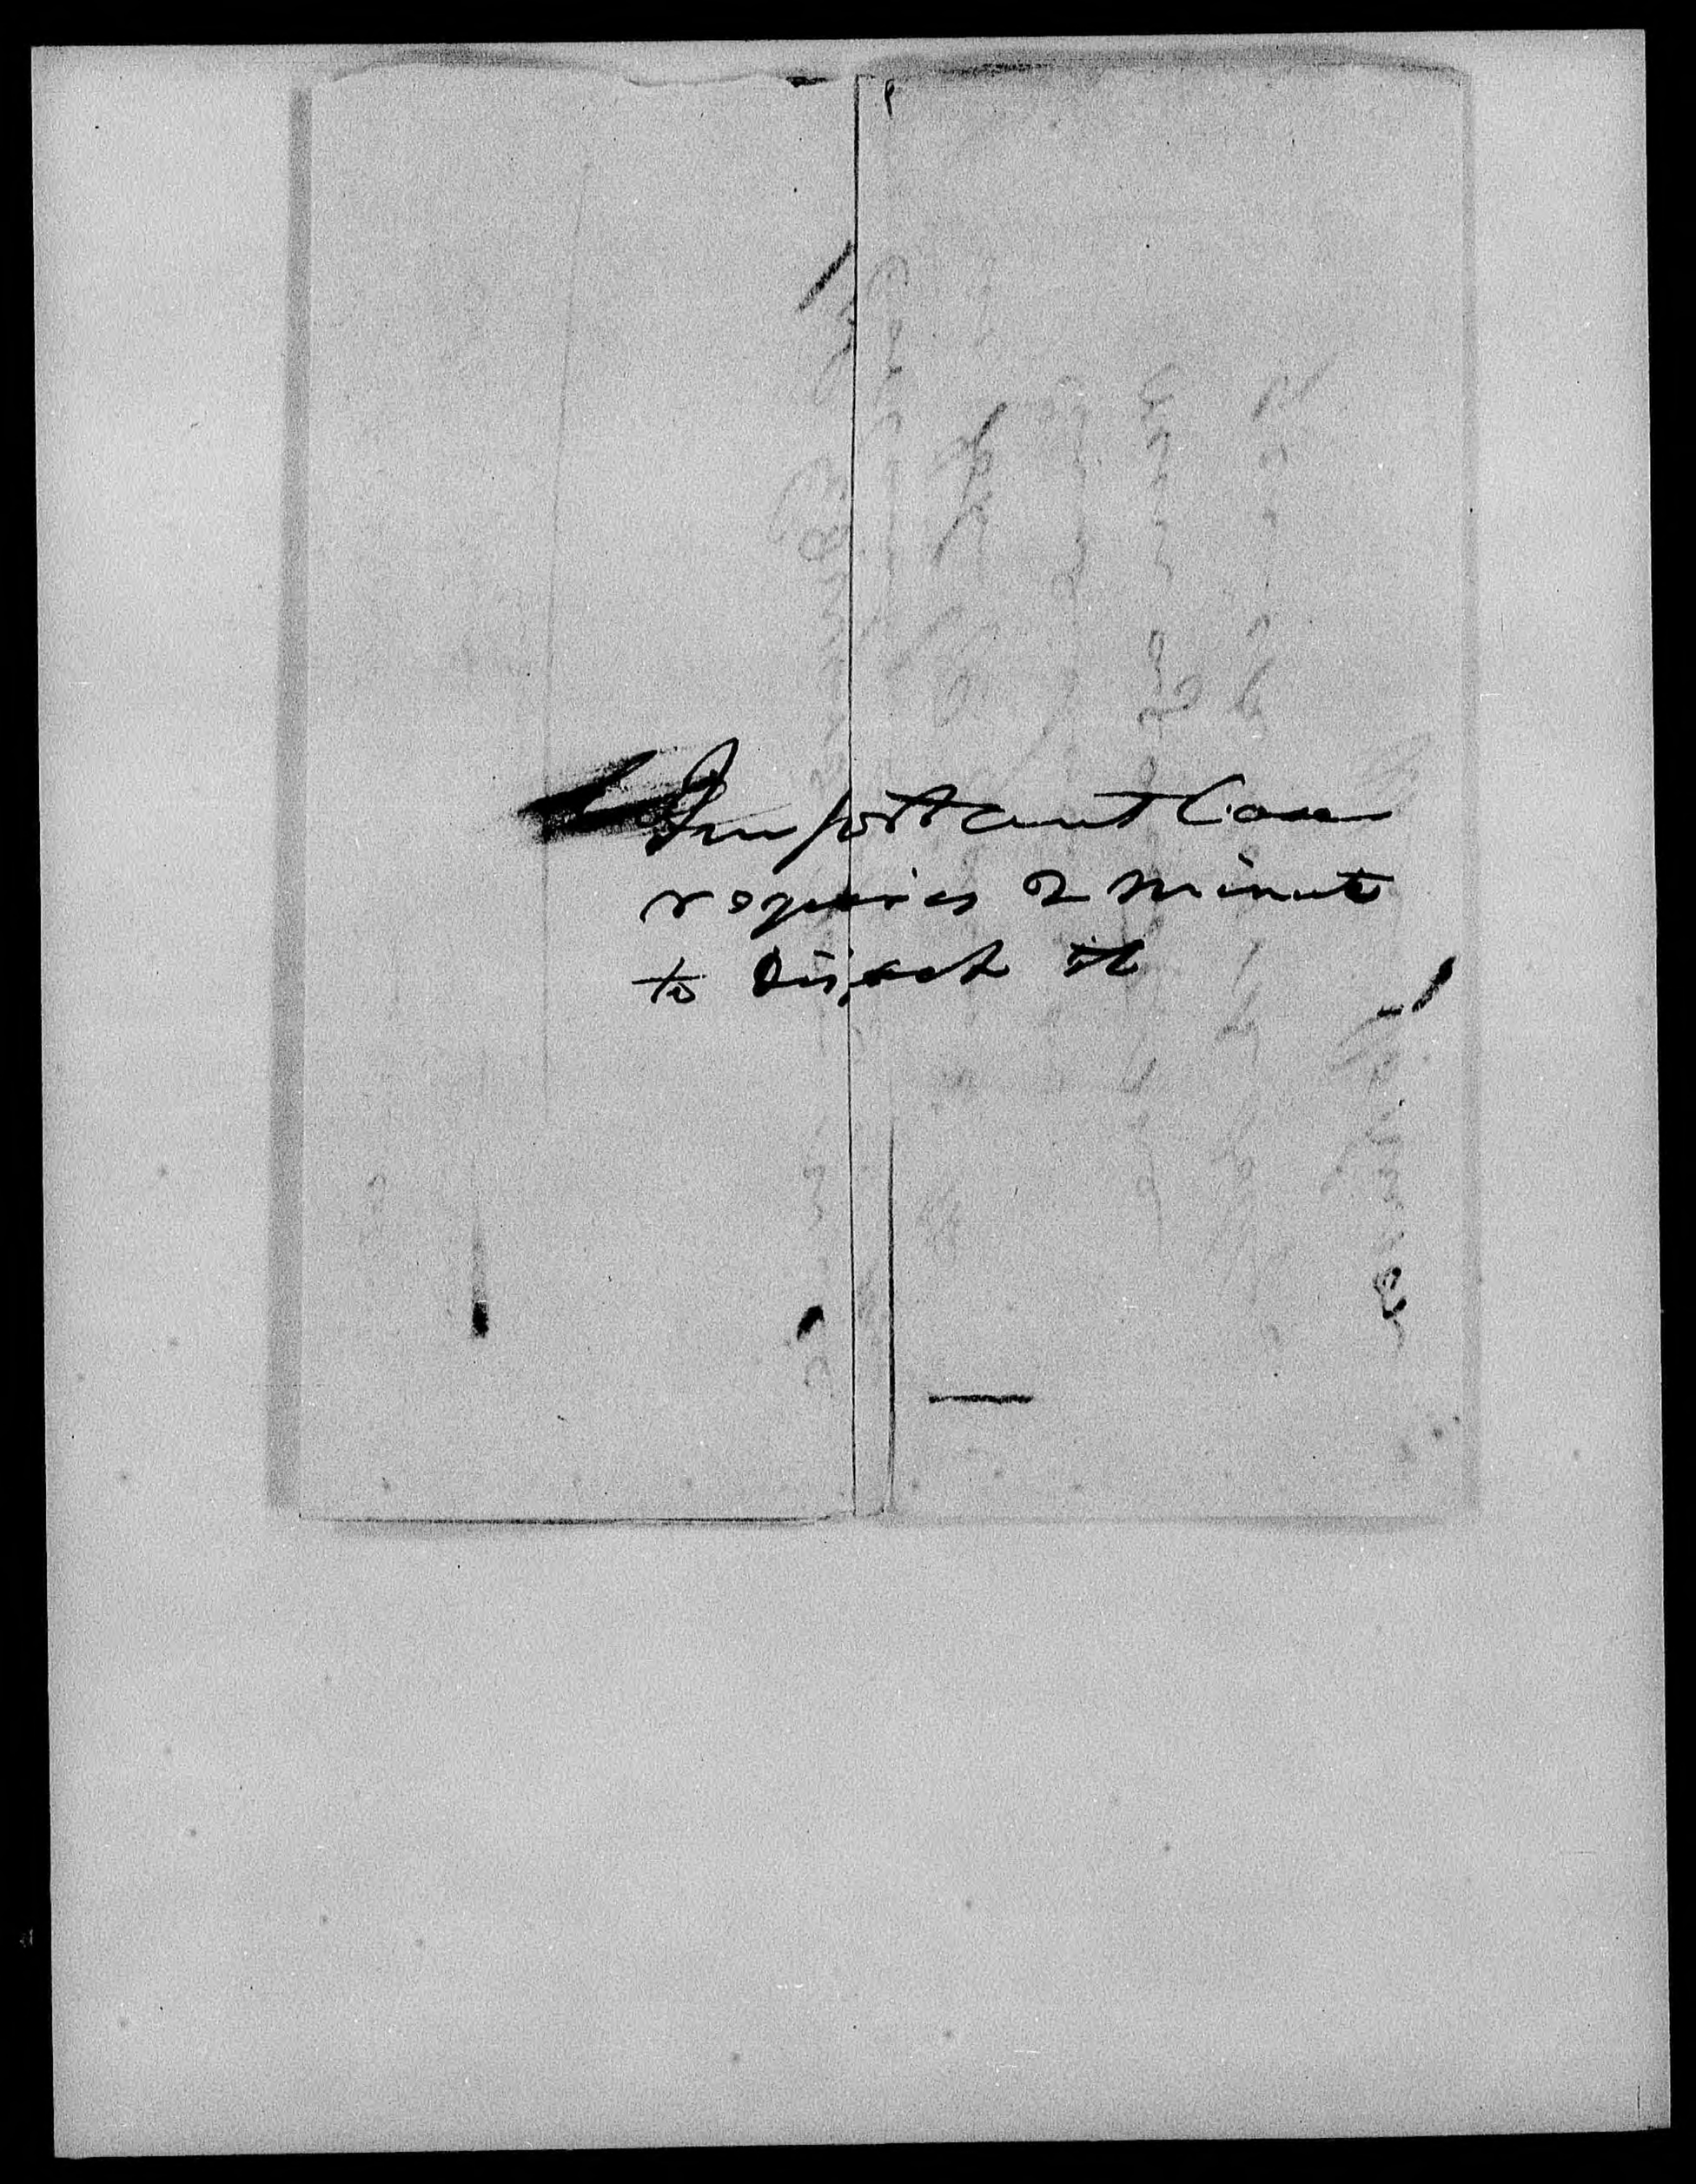Important case 
requires 2 minutes 
to dispatch it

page: 10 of 18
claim: survivor's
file: S. 37,483, for John Taylor, Maryland